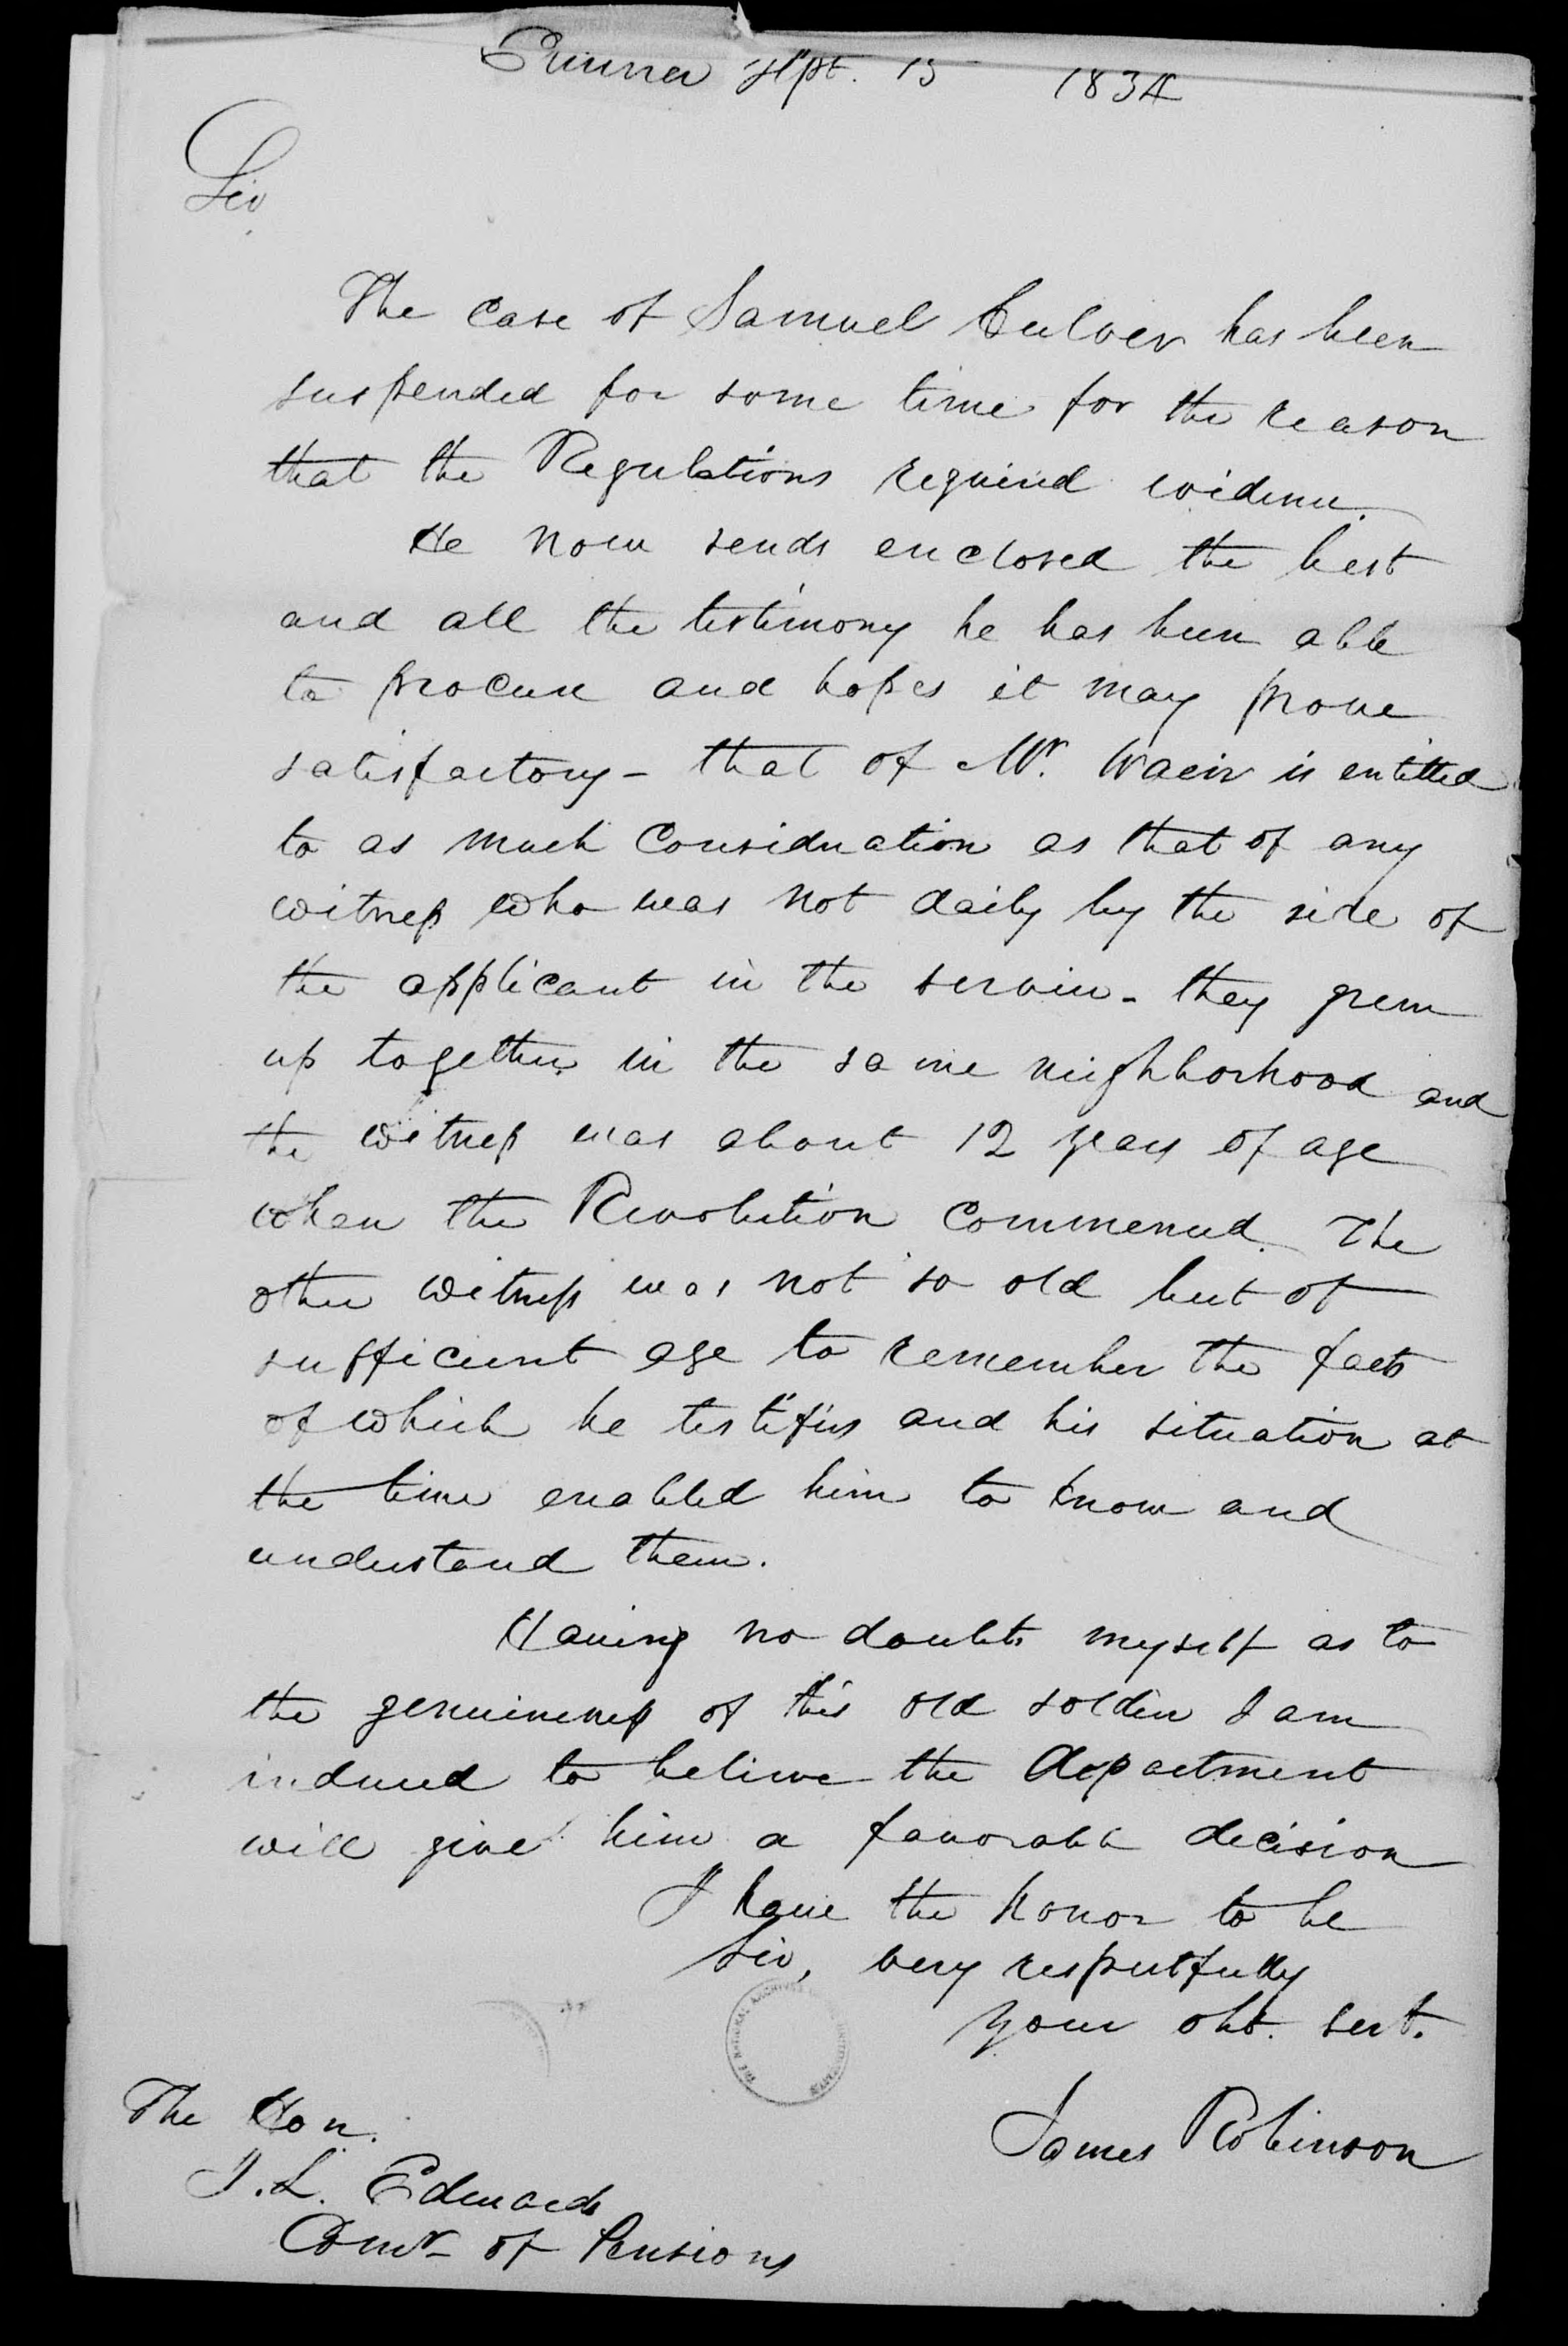Elmira Sept. 15 1834

Sir

     The case of Samuel Culver has been
suspended for some time for the reason
that the Regulations required evidence
     He now sends enclosed the best
and all the testimony he has been able
to procure and hopes it may prove 
satisfactory – that all of W. Waier is entitled
to as much consideration as that of any
witness who was not daily by the side of
the applicant in the service.  They grew
up together in the same neighborhood and
the witness was about 12 years of age
when the Revolution commenced.  The
other witness was not so old but of 
sufficient age to remember the facts 
of which he testifies and his situation at
the time enabled him to know and 
understand them.

     Having no doubts myself as to 
the genuineness of this old solder I am
induced to believe the department 
will give him a favorable decision
		I have the honor to be 
		Sir, very respectfully
		your obt. sevt.

		James Robinson [signature]

[stamp – The National Archives of the United States]

The Hon
J. L. Edwards
Commr. of Pensions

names: J L Edwards, Waeir, James Robinson, Samuel Culver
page: 37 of 40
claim: rejected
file: R. 1,570, Samuel Culver, New Jersey